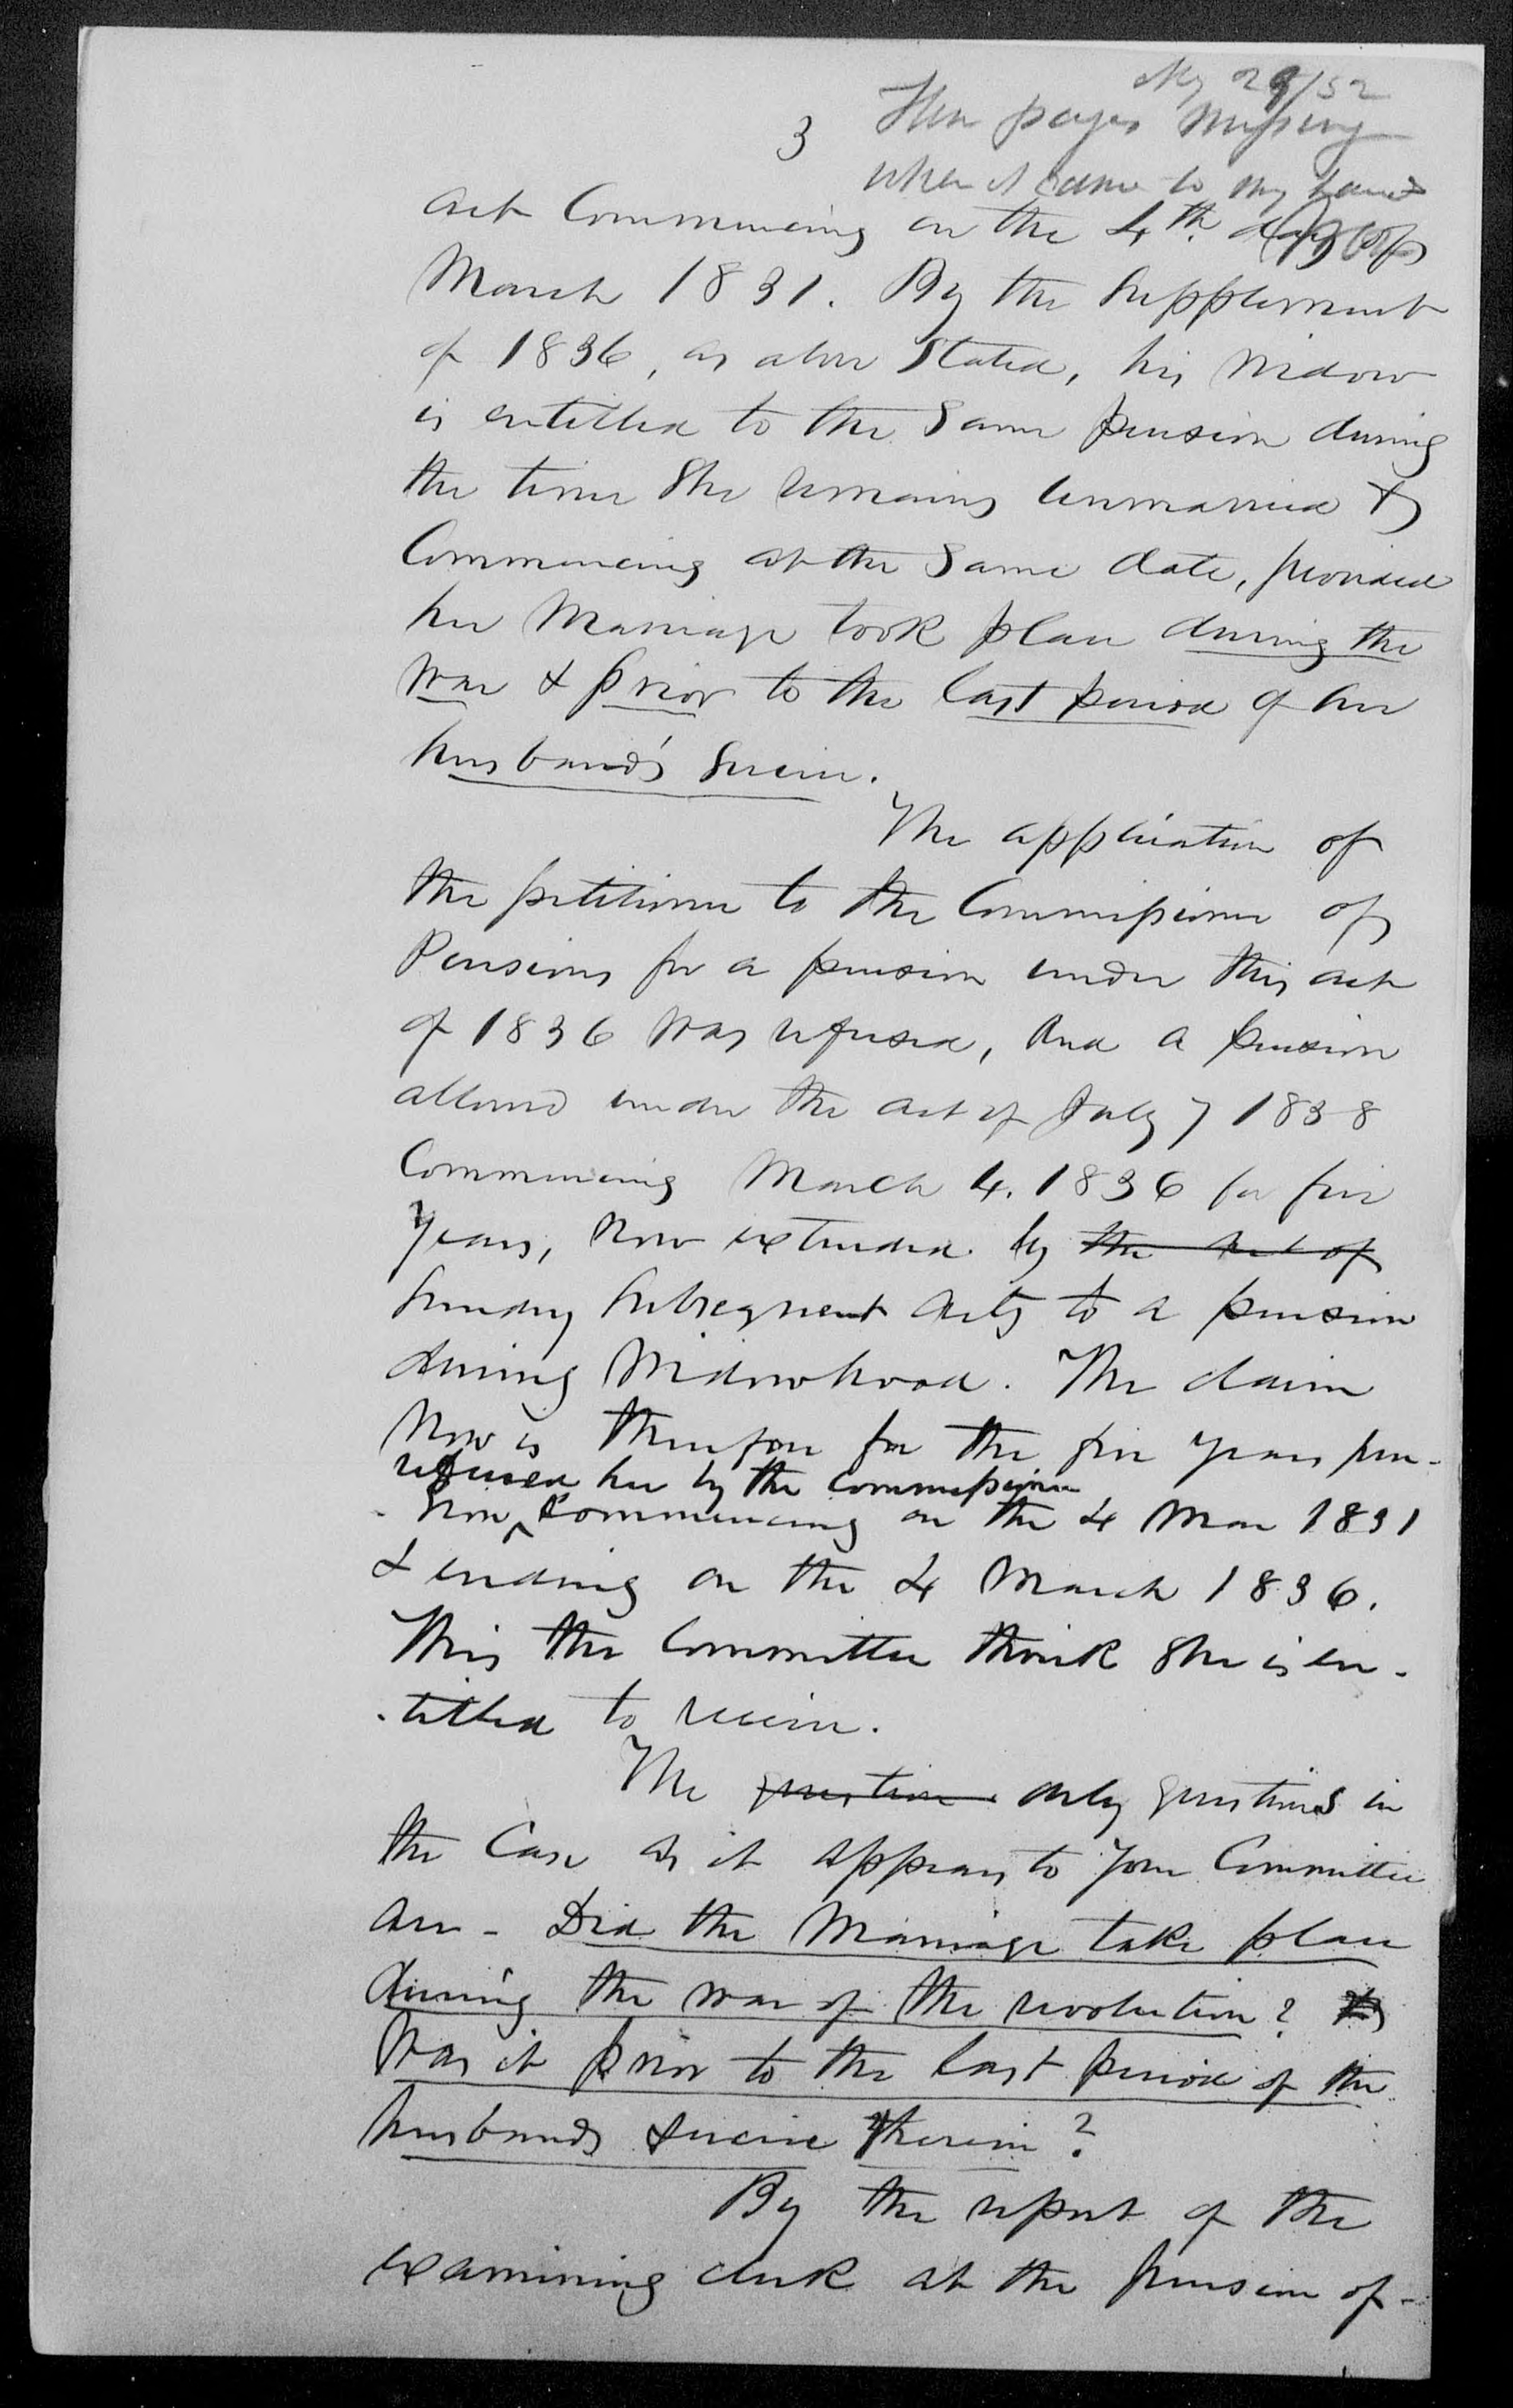3
My 29/52
These papers missing when it came to my hands
Act commencing on the 4th. [crossed out word unintelligible] of March 1831.  By the Supplement of 1836, as above Stated, his widow is entitled to the same pension during the time she remains unmarried +[and] Commencing at the Same date, provided her marriage took place [underline begin] during the war +[and] prior [underline end] to the [underline begin] last period [underline ends] of her [underline begins] husband's service. [underline ends]
The application of the petitioner to the Commissioner of Pensions for a pension under this act of 1836 was refused, And a pension allowed under the Act of July 7 1838 Commencing March 4, 1836 for five years, now extended by [cross out begins] the act of [cross out ends] sundry subsequent Acts to a pension during Widowhood.  The claim Now is therefore for the five years pension [insert begins] refused her by the Commissioner [insert ends] commencing on the 4 Mar 1831 +[and] ending on the 4 March 1836.  This the Committee think she is entitled to receive.
The [crossed out illegible word] only questions in the case as it appears to your Committee are __ Did the Marriage take place during the war of the revolution?  [crossed out word not legible]  Was it prior to the last period of the husbands service therein?
By the report of the examining clerk at the pension of-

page: 251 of 267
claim: widow's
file: W. 4,149, William Campbell, Va.